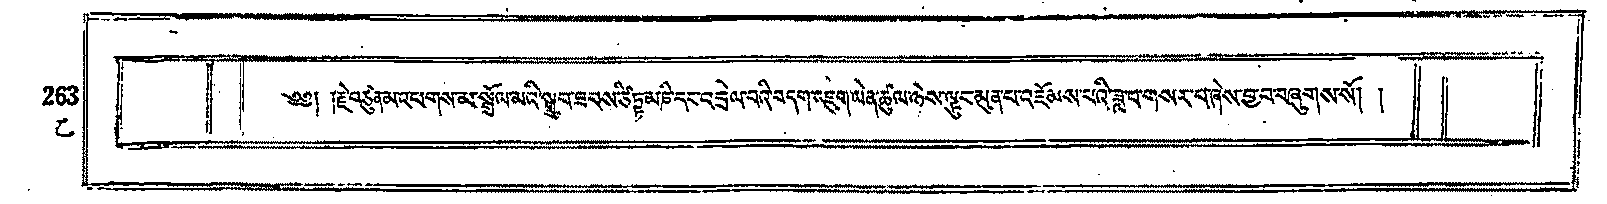༄༅། །རྗེ་བཙུན་མ་འཕགས་མ་སྒྲོལ་མའི་སྒྲུབ་ཐབས་ཙིཏྟ་མ་ཎི་དང་འབྲེལ་བའི་བདག་འཇུག་ལེན་ཚུལ་ཉེས་ལྟུང་མུན་པ་འཇོམས་པའི་ཟླ་བ་གསར་པ་ཞེས་བྱ་བ་བཞུགས་སོ། །